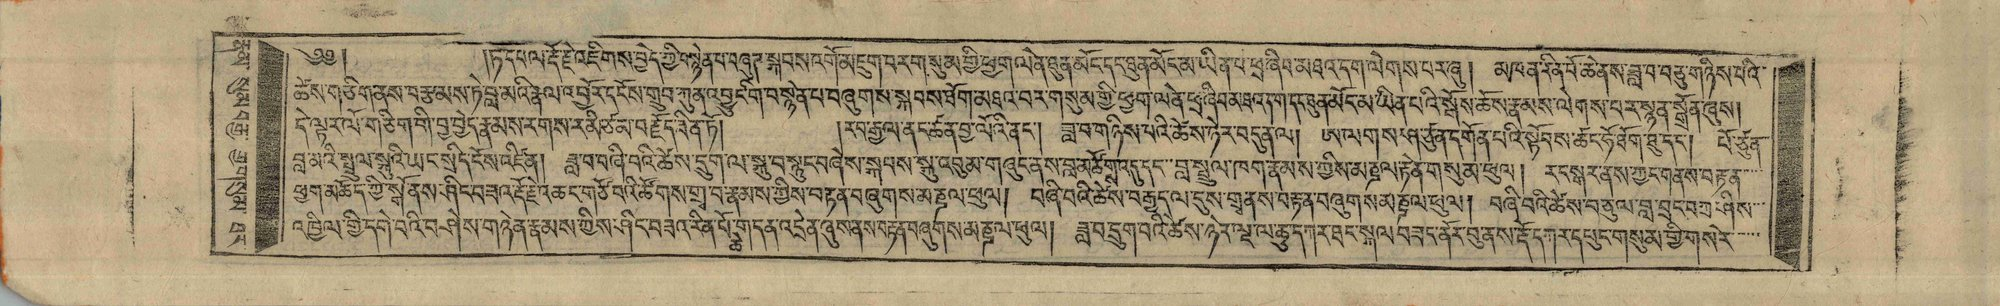༄༅། །ཏེ་དཔལ་རྡོ་རྗེ་འཇིགས་བྱེད་ཀྱི་བསྙེན་པ་བཞུགས་སྐབས་འགོ་མཇུག་པར་གསུམ་གྱི་ཕྱག་ལེན་ཐུན་མོང་དང་ཐུན་མོང་མ་ཡིན་པ་ཕྲ་ཞིབ་མཐའ་དག་ལེགས་པར་ཞུ། མཁན་རིན་པོ་ཆེ་ནས་ཟླ་བ་བཅུ་གཉིས་པའི་
ཚེས་གཅིག་ནས་བརྩམས་ཏེ་བླ་མའི་རྣལ་འབྱོར་དངོས་གྲུབ་ཀུན་འབྱུང་གི་བསྙེན་པ་བཞུགས་སྐབས་ཐོག་མཐའ་བར་གསུམ་གྱི་ཕྱག་ལེན་ཕྲ་ཞིབ་མཐའ་དག་དང་ཐུན་མོང་མ་ཡིན་པའི་སྒོས་ཆོས་རྣམས་ལེགས་པར་སྙན་སྒྲོན་ཞུས།
དེ་ལྟར་ལོ་གཅིག་གི་བྱ་བྱེད་རྣམས་རགས་ར་མི་ཙམ་བརྗོད་ཟིན་ཏོ། །རབ་རྒྱལ་ནང་ཚན་བྱ་ལོའི་ནང་། ཟླ་བ་གཉིས་པའི་ཚེས་ཉེར་བདུན་ལ། ཨ་ལགས་ཤ་ཙུན་དགོན་པའི་སྟོབས་ཚང་ཧོ་ཐོག་ཐུ་དང་། པོ་ཙུན་
བླ་མའི་སྤྲུལ་སྐུའི་ཡང་སྲིད་ངོས་འཛིན། ཟླ་བ་བཞི་པའི་ཚེས་དྲུག་ལ་སྐུ་བསྙུང་བཞེས་སྐབས་སྐུ་འབུམ་གཞུང་ནས་བླ་མཚོགས་འདུ་དང་བླ་སྤྲུལ་ཁག་རྣམས་ཀྱིས་མཎྜལ་རྟེན་གསུམ་ཕུལ། རང་སྒར་ནས་ཀྱང་གནས་བརྟན་
ཕྱག་མཆོད་ཀྱི་སྒོ་ནས་ཤིང་བཟའ་རྡོ་རྗེ་འཆང་གཙོ་བའི་ཚོགས་གྲྭ་བ་རྣམས་ཀྱིས་བརྟན་བཞུགས་མཎྜལ་ཕུལ། བཞི་བའི་ཚེས་བརྒྱད་ལ་དུས་གྲྭ་ནས་བརྟན་བཞུགས་མཎྜལ་ཕུལ། བཞི་བའི་ཚེས་བཅུ་ལ་བླ་བྲང་བཀྲ་ཤིས་
འཁྱིལ་གྱི་དགེ་བའི་བཤེས་གཉེན་རྣམས་ཀྱིས་ཤིང་བཟའ་རིན་པོ་གདན་འདྲེན་ཞུས་ནས་བརྟན་བཞུགས་མཎྜལ་ཕུལ། ཟླ་བ་དྲུག་པའི་ཚེས་ཉེར་ལྔ་ལ་ཆུ་དཀར་ཐང་སྐལ་བཟང་ནོར་བུ་ནས་རྡོ་དཀར་དཔུང་གསུམ་གྱི་གསེར་